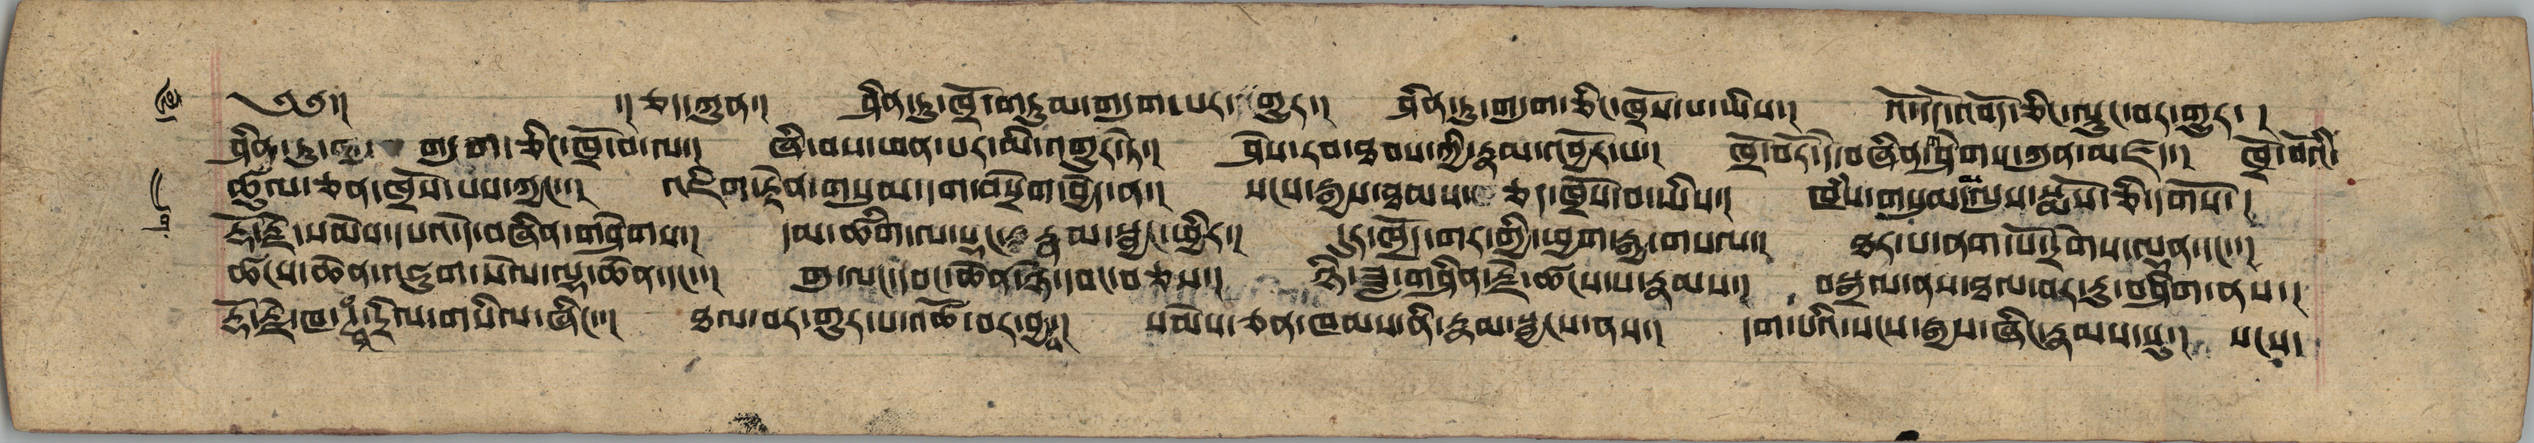༄༅་། ་།ཅད་ཀུན་། ཤིན་ཏུ་ཁྲོ་གཏུམ་གདུག་པར་ གྱུར་། ཤིན་ཏུ་གདུག་ཅིང་ཁྲོས་པ་ཡིས་། འོ་དོད་འབོད་ཅིང་ལྟུང་བར་གྱུར་
ཤིན་ཏུ་ གདུག་ཅིང་ཁྲོ་བ་ལ་། ཞི་བས་ཕན་པར་མི་འགྱུར་ཏེ་། ཤེས་རབ་ཐབས་ཀྱི་རྣལ་འབྱོར་པ་། ཁྲོ་བོར་དེ་བཞིན་གཤེགས་ཀུན་མཛད་། ཁྲོ་བོའི་
ཚུལ་ཅན་ཁྲོས་པས་ཀྱང་་། འཇིག་རྟེན་གསུམ་དག་བསྲེག་བྱེད་ན་། སངས་རྒྱས་ཐམས་ཅད་ཁྲོས་པ་ཡིས་། ཁཾས་གསུམ་མ་ལུས་སྨོས་ཅི་དགོས་།
རྡོ་རྗེ་སེམས་དཔའ་དེ་བཞིན་གཤེགས་། དམ་ཚིག་ལ་སྡང་རྣམ་སྦྱང་ཕྱིར་། དུར་ཁྲོད་གར་གྱི་ཕྱག་རྒྱ་གསལ་། ཐར་པ་ནག་པོ་དྲེགས་ལྡན་དང་་།
ཚངས་ཆེན་འཇུག་སེལ་ལྷ་ཆེན་དང་་། གུ་ལང་དབང་ཆེན་ཉེ་དབང་བཅས་། ཉི་ཟླ་གཤིན་རྗེ་ཚངས་པ་རྣམས་། བསྒྲལ་ནས་ཐལ་བར་རུ་བཤིག་ནས་།
རྡོ་རྗེ་ཁ་ཊྭཾ་དྲིལ་གསིལ་ཞིང་་། ཐལ་བར་གྱུར་པ་འཚོ་བར་བྱས་། སེམས་ཅན་ཁམས་ནི་རྣམ་སྦྱངས་ནས་། དག་པའི་སངས་རྒྱས་ཞིང་རྣམས་སུ་། སངས་